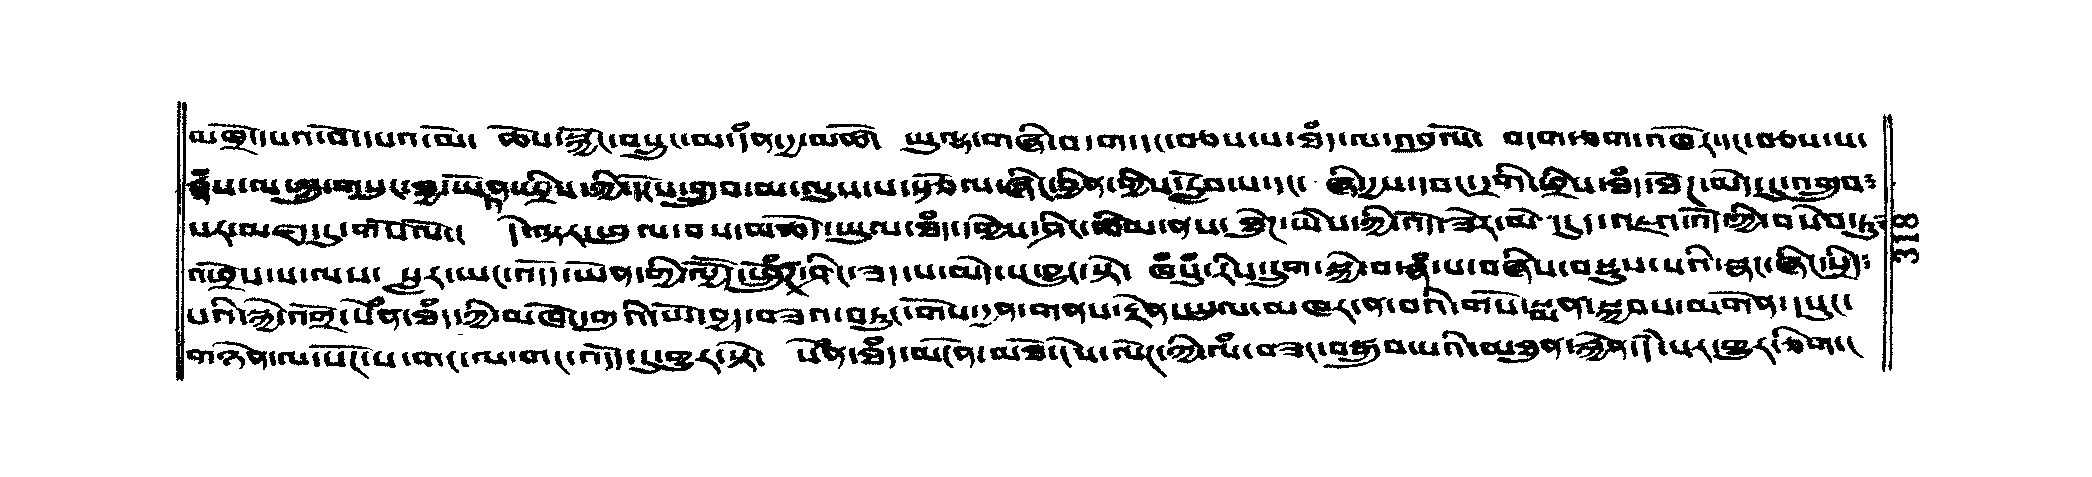མཁའ་འགྲོ་དཔའ་བོ་དཔའ་མོ། ཆོས་སྐྱོང་བསྲུང་མ་དམ་ཅན་རྒྱ་མཚོ། ཡུལ་ལྷ་གཞི་བདག་དང་བཅས་པ་ཐམས་ཅད་ལ་འབུལ་ལོ། བདག་ཅག་འཁོར་དང་བཅས་པ་
རྣམས་ལ་སྐུ་གསུང་ཐུགས་ཡོན་ཏན་ཕྲིན་ལས་ཀྱི་དངོས་གྲུབ་མ་ལུས་པ་སྩོལ་ཞིང་བྱིན་གྱིས་རློབས་པ་དང་། ཞི་རྒྱས་དབང་དྲག་གི་ཕྲིན་ལས་ཐམས་ཅད་ཐོགས་མེད་དུ་འགྲུབ་
པར་མཛད་དུ་གསོལ། དེ་ལྟར་ཕུལ་བས་མཆོད་ཡུལ་ཐམས་ཅད་དགྱེས་ཤིང་ཚིམ་ནས་ཐུགས་རྗེ་ཡེ་ཤེས་ཀྱི་འོད་ཟེར་དུ་འཇའ་འོད་ཀྱི་བསེབ་ཏུ་
འཕྲོས་པ་ལས། སླར་ཡང་འདོད་ཡོན་གྱི་ལོངས་སྤྱོད་ཕུན་སུམ་ཚོགས་ཤིང་ཟད་པ་མེད་པ་བྱུང་སྟེ། ཁམས་གསུམ་རིས་དྲུག་སྐྱེ་བ་རྣམ་པ་བཞིས་བསྡུས་པའི་སྣང་ཞིང་སྲིད་
པའི་སྐྱེ་འགྲོ་སེམས་ཅན་ཐམས་ཅད་ཀྱི་མཁོ་གུའི་ཡོ་བྱད་བཟའ་བཏུང་གོས་རྒྱན་གནས་རྟེན་ཡུལ་མཁར་ན་བའི་གསོ་སྨན་སྐྱབས་མགོན་དཔུང་
གཉེན་ལ་སོགས་པ་གང་ལ་གང་འདོད་དུ་གྱུར་སྟེ།སེམས་ཅན་མངོན་མཐོ་ངེས་ལེགས་ཀྱི་ལམ་བཟང་བསྒྲུབ་པའི་མཐུན་རྐྱེན་དམ་པར་གྱུར་ཅིག་